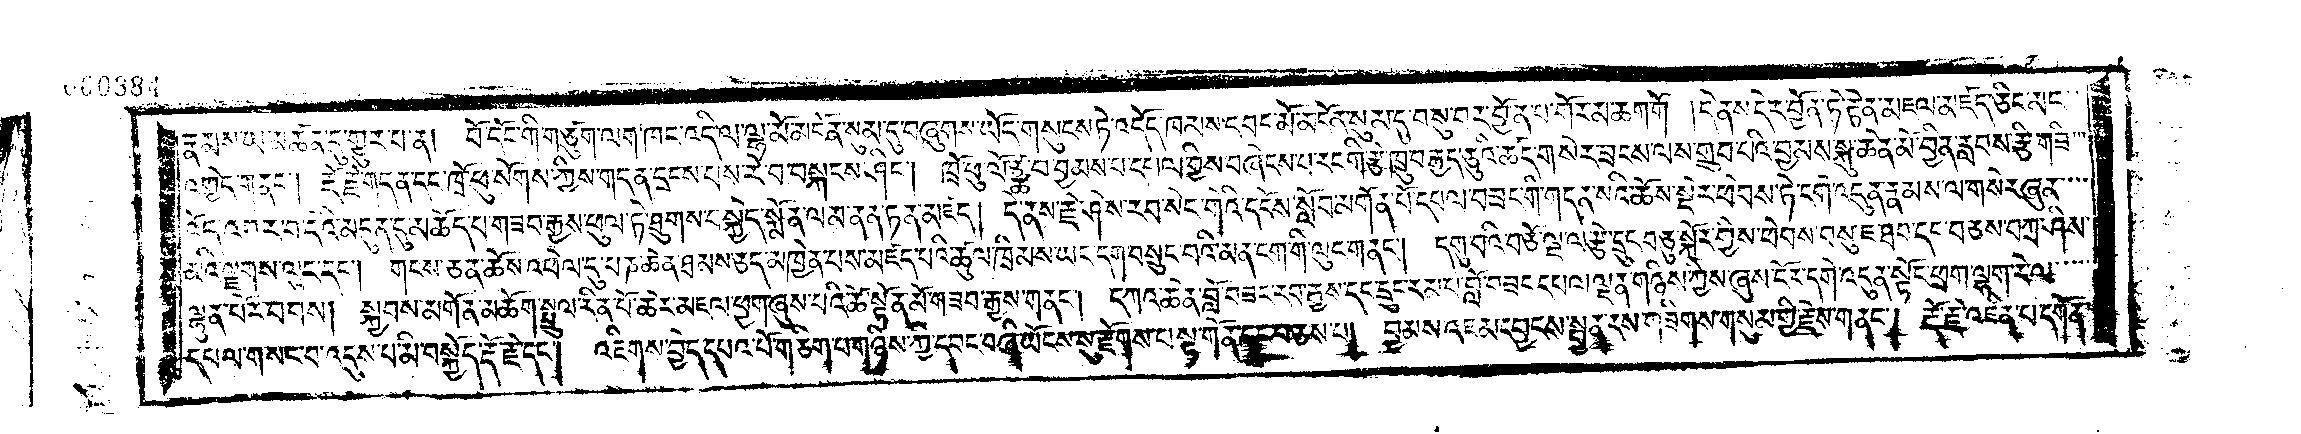རྣམས་ཡ་མཚན་དུ་གྱུར་པ་ན། བོ་དོང་གི་གཙུག་ལག་ཁང་འདི་ལ་ལྷ་མོ་མངོན་སུམ་དུ་བཞུགས་ཡོད་གསུངས་ཏེ་འདོད་ཁམས་དབང་མོ་མངོན་སུམ་དུ་བསུ་བར་བྱོན་པ་གོར་མ་ཆག་གོ །དེ་ནས་དེར་བྱོན་ཏེ་རྟེན་མཇལ་མཛད་ཅིང་མང་
འགྱེད་གནང་། རྡོ་རྗེ་གདན་དང་ཁྲོ་ཕུ་སོགས་ཀྱིས་གདན་དྲངས་པས་རེ་བ་བསྐངས་ཤིང་། ཁྲོ་ཕུ་ལོ་ཙྪ་བ་བྱམས་པ་དཔལ་གྱིས་བཞེངས་པ་རང་གི་རྩེ་ཁྲུ་བརྒྱད་ཅུའི་ཚད་གསེར་ཟངས་ལས་གྲུབ་པའི་བྱམས་སྐུ་ཆེན་མོ་བྱིན་རླབས་ཀྱི་གཟི་
འོད་འབར་བ་དེའི་མདུན་དུ་མཆོད་པ་གཟབ་རྒྱས་ཕུལ་ཏེ་ཐུགས་བསྐྱེད་སྨོན་ལམ་ནན་ཏན་མཛད། དེ་ནས་རྗེ་ཤེས་རབ་སེང་གེའི་དངོས་སློབ་མགོན་པོ་དཔལ་བཟང་གི་གདན་སའི་ཆོས་སྡེར་ཕེབས་ཏེ་དགེ་འདུན་རྣམས་ལ་གསེར་ཞུན་
མའི་ལྗགས་ལུང་དང་། གངས་ཅན་ཆོས་འཕེལ་དུ་པཎ་ཆེན་ཐམས་ཅད་མཁྱེན་པས་མཛད་པའི་ཚུལ་ཁྲིམས་ཡང་དག་བསྲུང་བའི་མན་ངག་གི་ལུང་གནང་། དགུ་པའི་བཅོ་ལྔ་ལ་རྩེ་དྲུང་བཅུ་སྐོར་གྱིས་ཕེབས་བསུ་ཇ་ཐབ་དང་བཅས་བཀྲ་ཤིས་
ལྷུན་པོར་བབས། སྐྱབས་མགོན་མཆོག་སྤྲུལ་རིན་པོ་ཆེར་མཇལ་ཕྱག་ཞུས་པའི་ཚེ་སྟོན་མོ་གཟབ་རྒྱས་གནང་། དཀའ་ཆེན་བློ་བཟང་རབ་རྒྱས་དང་དྲུང་རམ་བ་བློ་བཟང་དཔལ་ལྡན་གཉིས་ཀྱིས་ཞུས་ངོར་དགེ་འདུན་སྟོང་ཕྲག་ལྷག་རེ་ལ་
དཔལ་གསང་བ་འདུས་པ་མི་བསྐྱོད་རྡོ་རྗེ་དང་། འཇིགས་བྱེད་དཔའ་པོ་གཅིག་པ་གཉིས་ཀྱི་དབང་བཞི་ཡོངས་སུ་རྫོགས་པ་སྟ་གོན་དང་བཅས་པ། བྱམས་འཇམ་དབྱངས་སྤྱན་རས་གཟིགས་གསུམ་གྱི་རྗེས་གནང་། རྡོ་རྗེ་འཛིན་པ་དཀོན་